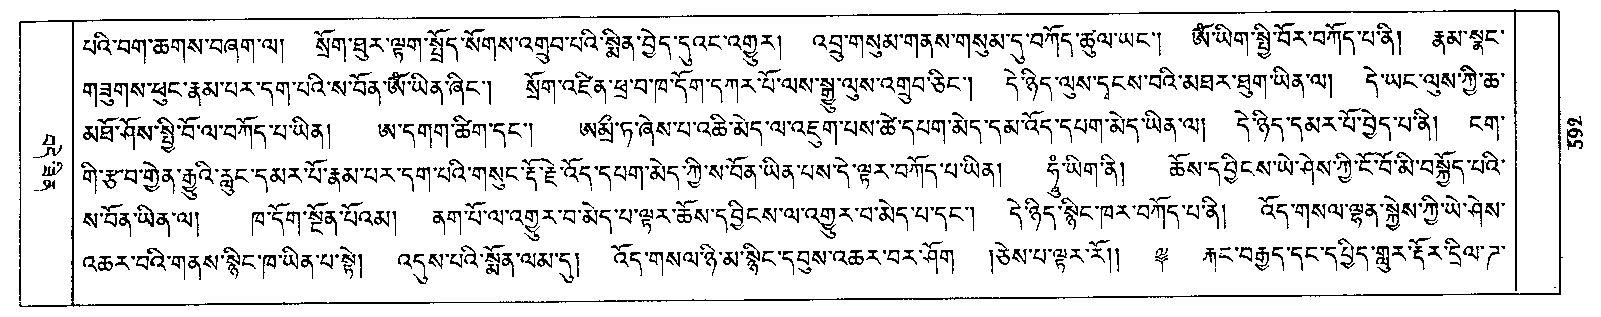པའི་བག་ཆགས་བཞག་ལ། སྲོག་ཐུར་ལྟག་སྤྲོད་སོགས་འགྲུབ་པའི་སྨིན་བྱེད་དུའང་འགྱུར། འབྲུ་གསུམ་གནས་གསུམ་དུ་བཀོད་ཚུལ་ཡང་། ཨོཾ་ཡིག་སྤྱི་བོར་བཀོད་པ་ནི། རྣམ་སྣང་
གཟུགས་ཕུང་རྣམ་པར་དག་པའི་ས་བོན་ཨོཾ་ཡིན་ཞིང་། སྲོག་འཛིན་ཕྲ་བ་ཁ་དོག་དཀར་པོ་ལས་སྒྱུ་ལུས་འགྲུབ་ཅིང་། དེ་ཉིད་ལུས་དྭངས་པའི་མཐར་ཐུག་ཡིན་ལ། དེ་ཡང་ལུས་ཀྱི་ཆ་
མཐོ་ཤོས་སྤྱི་བོ་ལ་བཀོད་པ་ཡིན། ཨ་དགག་ཚིག་དང་། ཨམྲྀ་ཏ་ཞེས་པ་འཆི་མེད་ལ་འཇུག་པས་ཚེ་དཔག་མེད་དམ་འོད་དཔག་མེད་ཡིན་ལ། དེ་ཉིད་དམར་པོ་བྱེད་པ་ནི། ངག་
གི་རྩ་བ་གྱེན་རྒྱུའི་རླུང་དམར་པོ་རྣམ་པར་དག་པའི་གསུང་རྡོ་རྗེ་འོད་དཔག་མེད་ཀྱི་ས་བོན་ཡིན་པས་དེ་ལྟར་བཀོད་པ་ཡིན། ཧཱུཾ་ཡིག་ནི། ཆོས་དབྱིངས་ཡེ་ཤེས་ཀྱི་ངོ་བོ་མི་བསྐྱོད་པའི་
ས་བོན་ཡིན་ལ། ཁ་དོག་སྔོན་པོའམ། ནག་པོ་ལ་འགྱུར་བ་མེད་པ་ལྟར་ཆོས་དབྱིངས་ལ་འགྱུར་བ་མེད་པ་དང་། དེ་ཉིད་སྙིང་ཁར་བཀོད་པ་ནི། འོད་གསལ་ལྷན་སྐྱེས་ཀྱི་ཡེ་ཤེས་
འཆར་བའི་གནས་སྙིང་ཁ་ཡིན་པ་སྟེ། འདུས་པའི་སྨོན་ལམ་དུ། འོད་གསལ་ཉི་མ་སྙིང་དབུས་འཆར་བར་ཤོག །ཅེས་པ་ལྟར་རོ།། ༈ རྐང་བརྒྱད་དང་དཔྱིད་གླུར་རྡོར་དྲིལ་ཌ་